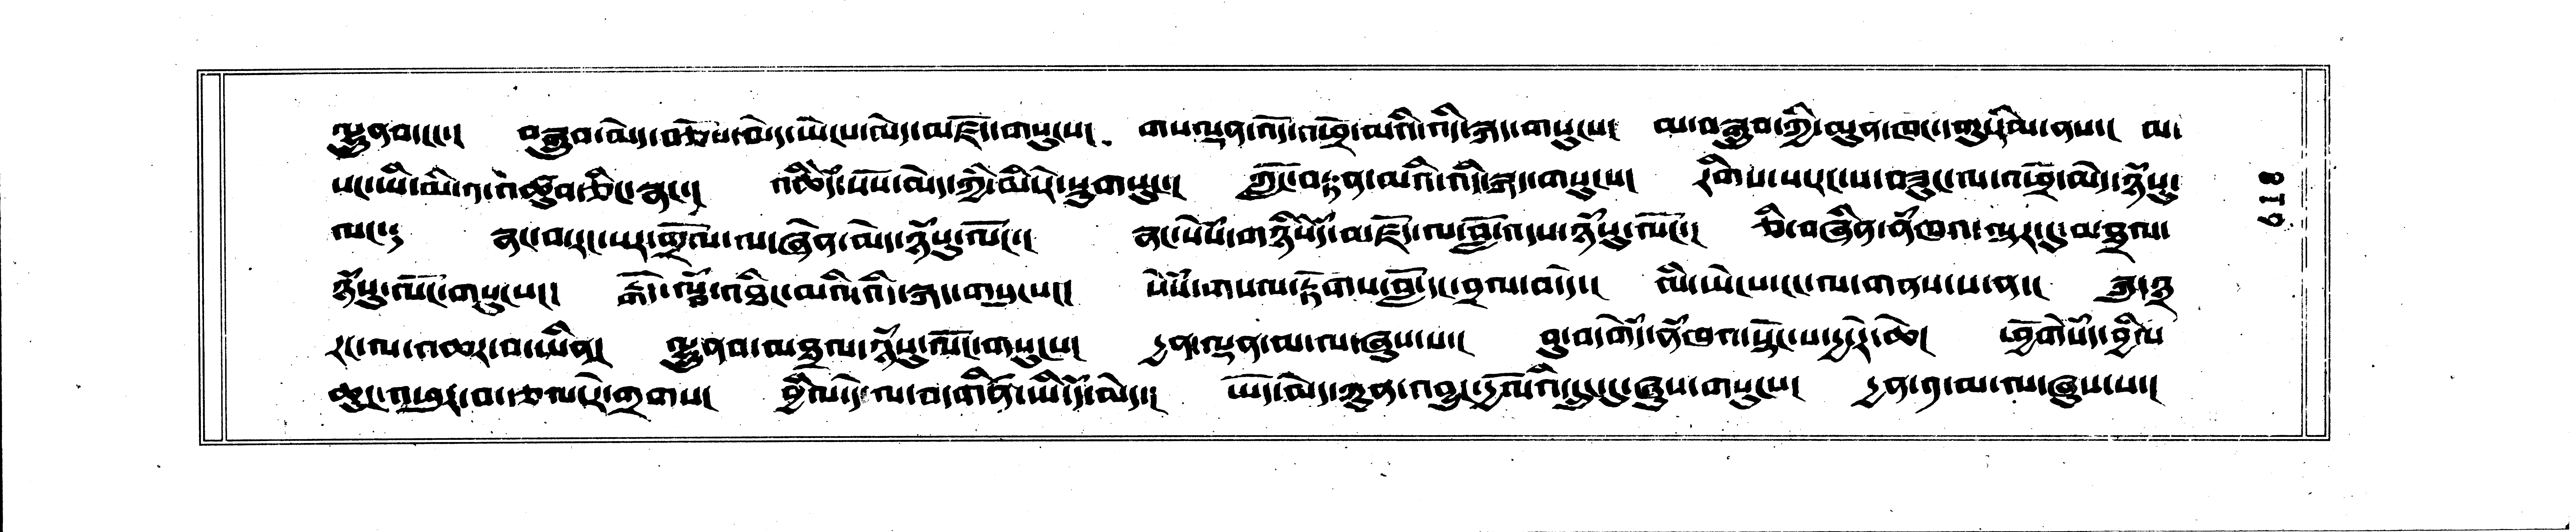ལྷུན་གྲུབ་དང་། བསྒྲུབ་མེད་བཅོས་མེད་ཡེངས་མེད་མཛོད་གསུངས། གསལ་ལྡན་འོད་འཕྲོ་མས་འདི་སྐད་གསུངས། མ་སྒྲིབས་ཀྱི་མུན་ཁང་དགུ་རིམ་ན། མ་
སོང་ཀྱི་མི་གཅིག་འཚུབ་སིན་སྣང་། སྒོ་དགུ་སོ་སོར་འདས་ནས་སྣང་། འཆི་མེད་སོས་མེད་ཀྱི་མི་རེ་སྡུག་གསུངས། ཀློང་”བརྟན”མས་འདི་སྐད་གསུངས། རིག་པ་རང་ས་ཟུང་ལ་འཕྲོ་མེད་ཉམས་སུ་
ལོང་། སྣང་བ་རང་སར་ཁྲོལ་ལ་ཞན་མེད་ཉམས་སུ་ལོང་། སྣང་སེམས་གཉིས་མེད་མཛོད་ལ་བློ་འདས་ཉམས་སུ་ལོང་། ཅི་བཞིན་ནམ་མཁའ་ལྟར་ཏུ་མཐའ་བྲལ་
ཉམས་སུ་ལོང་གསུངས། རྒོད་ལྕམ་གཡུ་མཐིང་མས་དྷི་(འདི)་སྐད་གསུངས། སེམས་གསལ་སྟོང་བློ་དང་བྲལ་བ་དེ། མ་ཡེང་ངང་ལ་གནས་སིན་ན། སྐུ་གསུམ་
རང་ལ་འཆར་བ་ཡིན། ལྷུན་གྲུབ་མཐའ་བྲལ་ཉམས་སུ་ལོང་གསུངས། རྒྱན་ལྡན་མ་ལ་ཞུས་པ། བུ་བདག་མེད་ནམ་མཁའ་སྟོང་པ་རྒྱ་རེ་ཆེ། ཕྱོག་མེད་བྱིལ་
ཆུང་འཕུར་བ་རྩ་རེ་རག་༼དྲག༽ བྱིལ་དེ་ལ་བདག་འཛིན་ཡོད་དམ་མེད། ཡོད་མེད་ཀུན་འབྱུང་རྒྱལ་པོའི་དྲུང་དུ་ཞུས་གསུངས། རྒྱན་གཅིག་མ་ལ་ཞུས་པ།